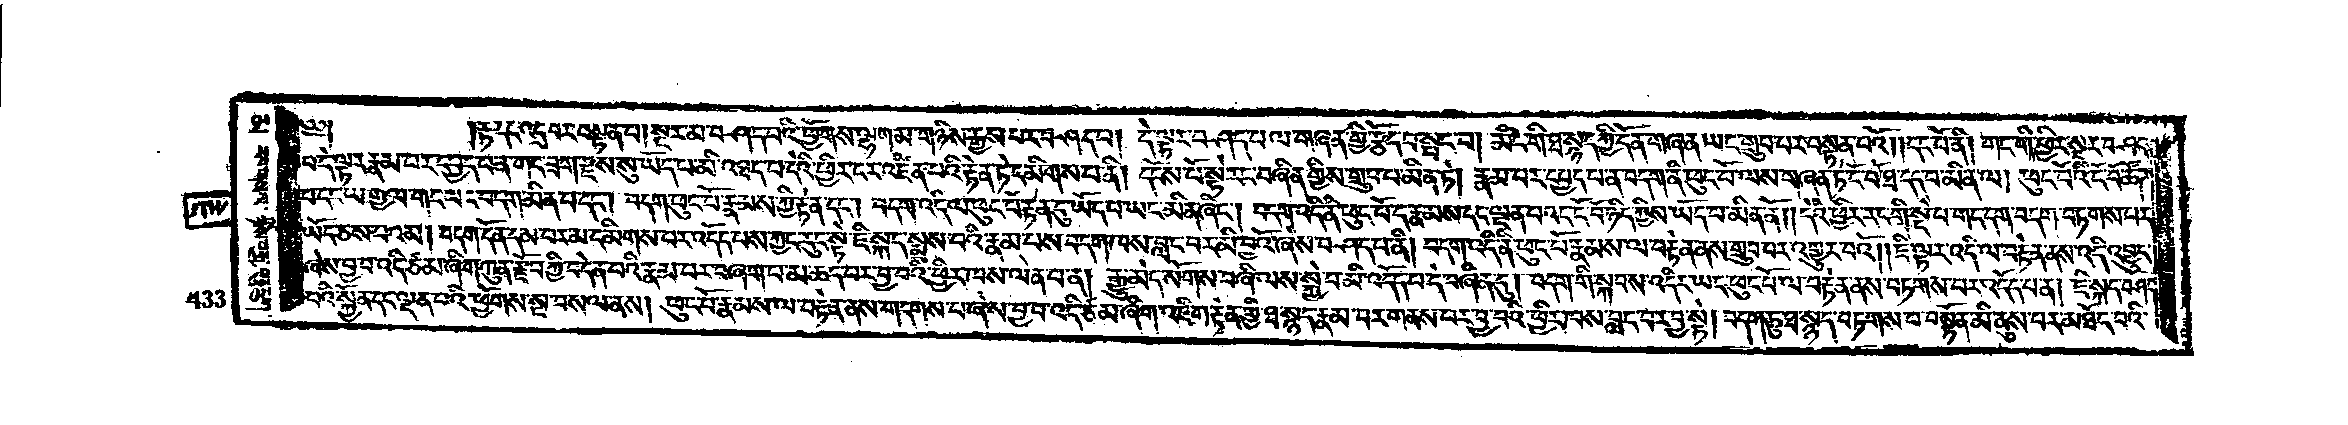༄༅། །རྟ་དང་འདྲ་བར་བསྟན་པ། སྔར་མ་བཤད་པའི་ཕྱོགས་ལྷག་མ་གཉིས་རྒྱས་པར་བཤད་པ། དེ་ལྟར་བཤད་པ་ལ་གཞན་གྱི་རྩོད་པ་སྤོང་བ། མིང་གི་ཐ་སྙད་ཀྱི་དོན་གཞན་ཡང་གྲུབ་པར་བསྟན་པའོ། །དང་པོ་ནི། གང་གི་ཕྱིར་སྔར་བཤད་
པ་དེ་ལྟར་རྣམ་པར་དཔྱད་པ་ན་གང་ཟག་རྫས་སུ་ཡོད་པ་མི་འཐད་པ་དེའི་ཕྱིར་ངར་འཛིན་པའི་རྟེན་ཏེ་དམིགས་པ་ནི། དངོས་པོ་སྟེ་རང་བཞིན་གྱིས་གྲུབ་པ་མིན་ཏེ། རྣམ་པར་དཔྱད་པ་ན་བདག་ནི་ཕུང་པོ་ལས་གཞན་ཏེ་ངོ་བོ་ཐ་དད་པ་མིན་ལ། ཕུང་པོའི་ངོ་བོ་ཚོགས་
པ་དང་ཡ་གྱལ་གང་ཡང་བདག་མིན་པ་དང་། བདག་ཕུང་པོ་རྣམས་ཀྱི་རྟེན་དང་། བདག་འདི་ལ་ཕུང་པོ་རྟེན་དུ་ཡོད་པ་ཡང་མིན་ཞིང་། བདག་འདི་ནི་ཕུང་པོ་དེ་རྣམས་དང་ལྡན་པའང་ངོ་བོ་ཉིད་ཀྱིས་ཡོད་པ་མིན་ནོ། །དེའི་ཕྱིར་རང་གི་སྡེ་པ་གང་དག་བདག་བཏགས་པར་
ཡོད་ཅེས་པའམ། བདག་དོན་དམ་པར་མ་དམིགས་པར་འདོད་པས་ཀྱང་རུང་སྟེ་ཇི་སྐད་སྨྲས་པའི་རྣམ་པས་བདག་ཁས་བླང་བར་མི་བྱའོ་ཞེས་བཤད་པ་ནི། བདག་འདི་ནི་ཕུང་པོ་རྣམས་ལ་བརྟེན་ནས་གྲུབ་པར་འགྱུར་བའོ། །ཇི་ལྟར་འདི་ལ་བརྟེན་ནས་འདི་འབྱུང་
ཞེས་བྱ་བ་འདི་ཙམ་ཞིག་ཀུན་རྫོབ་ཀྱི་བདེན་པའི་རྣམ་པར་བཞག་པ་མ་ཆད་པར་བྱ་བའི་ཕྱིར་ཁས་ལེན་པ་ན། རྒྱུ་མེད་སོགས་བཞི་ལས་སྐྱེ་བ་མི་འདོད་པ་དེ་བཞིན་དུ། བདག་གི་སྐབས་འདིར་ཡང་ཕུང་པོ་ལ་བརྟེན་ནས་བཏགས་པར་འདོད་པ་ན། ཇི་སྐད་བཤད་
པའི་སྐྱོན་དང་ལྡན་པའི་ཕྱོགས་སྔ་བསལ་ནས། ཕུང་པོ་རྣམས་ལ་བརྟེན་ནས་གདགས་པ་ཞེས་བྱ་བ་འདི་ཙམ་ཞིག་འཇིག་རྟེན་གྱི་ཐ་སྙད་རྣམ་པར་གནས་པར་བྱ་བའི་ཕྱིར་ཁས་བླང་བར་བྱ་སྟེ། བདག་ཏུ་ཐ་སྙད་བཏགས་པ་བསྙོན་མི་ནུས་པར་མཐོང་བའི་